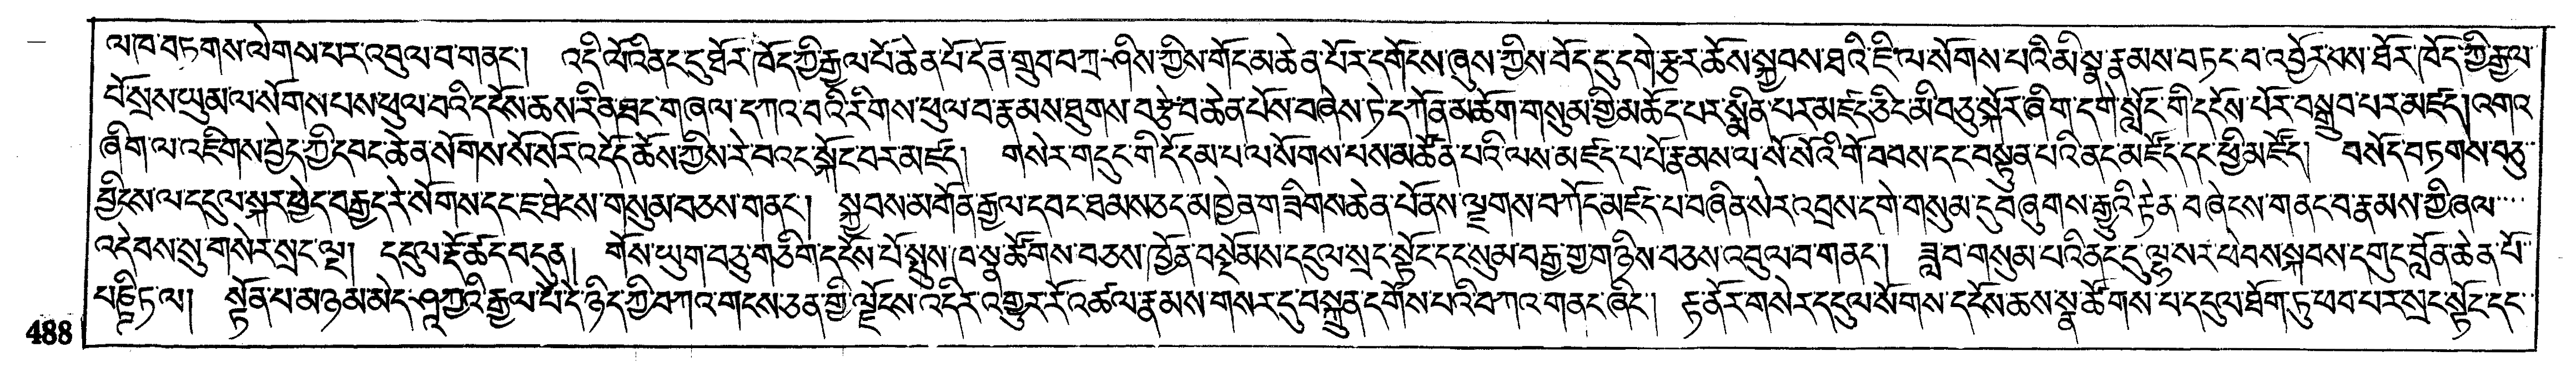ལ་ཁ་བཏགས་ལེགས་པ་རེ་འབུལ་བ་གནང་། འདི་ལོའི་ནང་དུ་ཐོར་ཁོད་ཀྱི་རྒྱལ་པོ་ཆེན་པོ་དོན་གྲུབ་བཀྲ་ཤིས་ཀྱིས་གོང་མ་ཆེན་པོར་དགོངས་ཞུས་ཀྱིས་བོད་དུ་དགེ་རྩར་ཆོས་སྐྱབས་ཐའི་ཇི་ལ་སོགས་པའི་མི་སྣ་རྣམས་བཏང་བ་འབྱོར་པས་ཐོར་ཁོད་ཀྱི་རྒྱལ་
པོ་སྲས་ཡུམ་ལ་སོགས་པས་ཕུལ་བའི་དངོས་ཆས་རིན་ཐང་གཞལ་དཀའ་བའི་རིགས་ཕུལ་བ་རྣམས་ཐུགས་བརྩེ་བ་ཆེན་པོས་བཞེས་ཏེ་དཀོན་མཆོག་གསུམ་གྱི་མཆོད་པར་སྨིན་པར་མཛད་ཅིང་མི་བཅུ་སྐོར་ཞིག་དགེ་སློང་གི་དངོས་པོར་བསྒྲུབ་པར་མཛད། འགའ་
ཞིག་ལ་འཇིགས་བྱེད་ཀྱི་དབང་ཆེན་སོགས་སོ་སོར་འདོད་ཆོས་ཀྱིས་རེ་བའང་སྐོང་བར་མཛད། གསེར་གདུང་གི་དོ་དམ་པ་ལ་སོགས་པས་མཚོན་པའི་ལས་མཛད་པ་པོ་རྣམས་ལ་སོ་སོའི་གོ་བབས་དང་བསྟུན་པའི་ནང་མཛོད་དང་ཕྱི་མཛོད། བསོད་བཏགས་བཅུ་
བྱིངས་ལ་དངུལ་སྐར་ཕྱེད་བརྒྱད་རེ་སོགས་དང་ཇ་ཐེངས་གསུམ་བཅས་གནང་། སྐྱབས་མགོན་རྒྱལ་དབང་ཐམས་ཅད་མཁྱེན་གཟིགས་ཆེན་པོ་ནས་ལྗགས་བཀོད་མཛད་པ་བཞིན་སེར་འབྲས་དགེ་གསུམ་དུ་བཞུགས་རྒྱུའི་རྟེན་བཞེངས་གནང་བ་རྣམས་ཀྱི་ཞལ་
འདེབས་སུ་གསེར་སྲང་ལྔ། དངུལ་རྡོ་ཚད་བདུན། གོས་ཡུག་བཅུ་གཅིག་དངོས་པོ་སྤུས་ཁ་སྣ་ཚོགས་བཅས་ཁྱོན་བསྡོམས་དངུལ་སྲང་སྟོང་དང་སུམ་བརྒྱ་གྱ་གཉིས་བཅས་འབུལ་བ་གནང་། ཟླ་བ་གསུམ་པའི་ནང་དུ་ལྷ་སར་ཕེབས་སྐབས་དགུང་བློན་ཆེན་པོ་
པཎྜི་ཏ་ལ། སྟོན་པ་མཉམ་མེད་ཤཱཀྱའི་རྒྱལ་པོ་དེ་ཉིད་ཀྱི་བཀའ་གངས་ཅན་གྱི་ལྗོངས་འདིར་འགྱུར་རོ་འཚལ་རྣམས་གསར་དུ་བསྐྲུན་དགོས་པའི་བཀའ་གནང་ཞིང་། རྟ་ནོར་གསེར་དངུལ་སོགས་དངོས་ཆས་སྣ་ཚོགས་པ་དངུལ་ཐོག་ཏུ་ཕབ་པར་སྲང་སྟོང་དང་